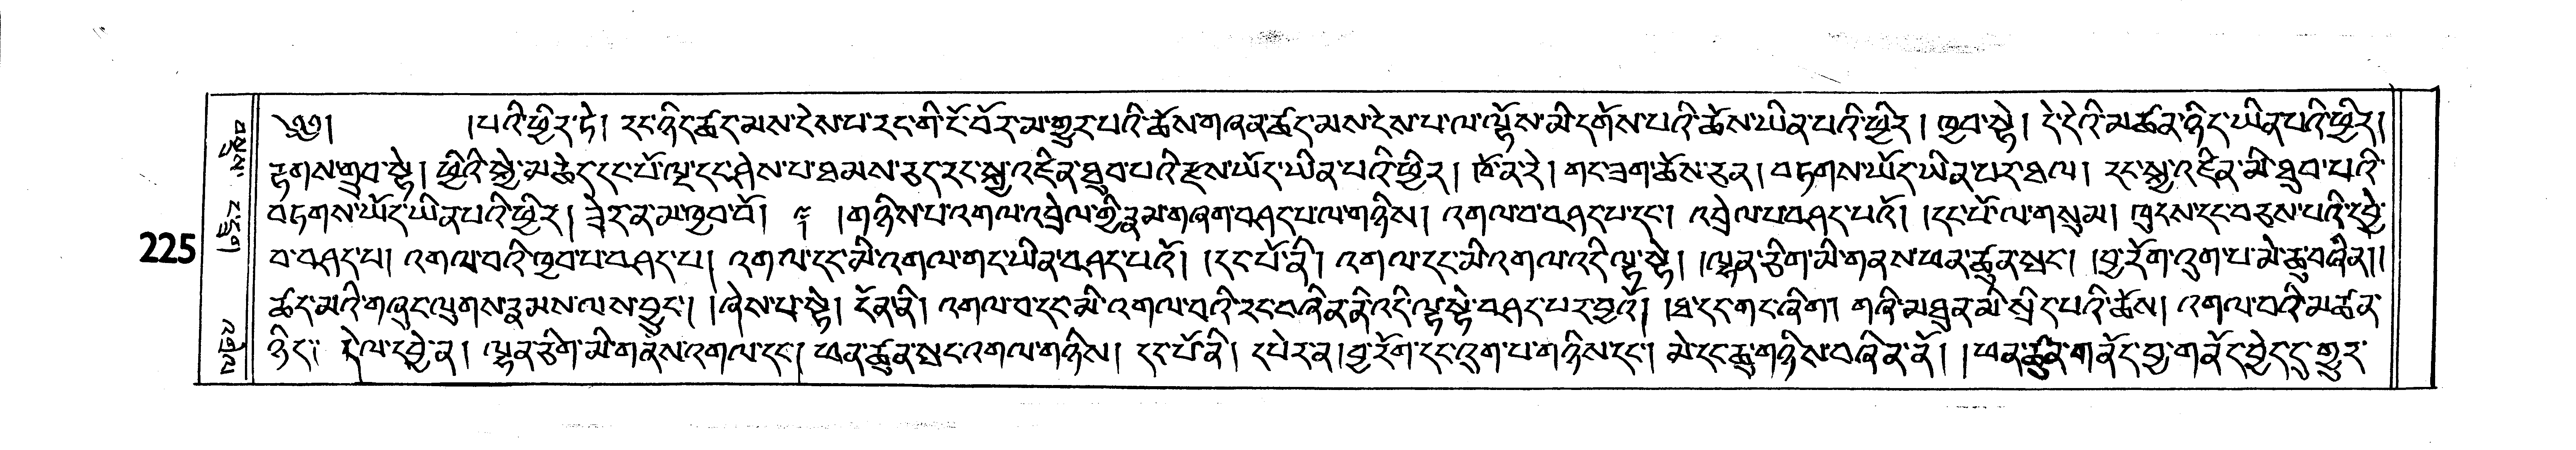༄༅། །པའི་ཕྱིར་ཏེ། རང་ཉིད་ཚད་མས་ངེས་པ་རང་གི་ངོ་བོར་མ་གྱུར་པའི་ཆོས་གཞན་ཚད་མས་ངེས་པ་ལ་ལྟོས་མི་དགོས་པའི་ཆོས་ཡིན་པའི་ཕྱིར། ཁྱབ་སྟེ། དེ་དེའི་མཚན་ཉིད་ཡིན་པའི་ཕྱིར།
རྟགས་གྲུབ་སྟེ། ཕྱིའི་སྐྱེ་མཆེད་དང་པོ་ལྔ་དང་ཤེས་པ་ཐམས་ཅད་རང་སྐྱ་འཛིན་ཐུབ་པའི་རྫས་ཡོད་ཡིན་པའི་ཕྱིར། ཁོ་ན་རེ། གང་ཟག་ཆོས་ཅན། བཏགས་ཡོད་ཡིན་པར་ཐལ། རང་སྐྱ་འཛིན་མི་ཐུབ་པའི་
བཏགས་ཡོད་ཡིན་པའི་ཕྱིར། ཟེར་ན་མ་ཁྱབ་བོ། ༈ །གཉིས་པ་འགལ་འབྲེལ་གྱི་རྣམ་གཞག་བཤད་པ་ལ་གཉིས། འགལ་བ་བཤད་པ་དང་། འབྲེལ་པ་བཤད་པའོ། །དང་པོ་ལ་གསུམ། ཁུངས་དང་བཅས་པའི་དབྱེ་
བ་བཤད་པ། འགལ་བའི་ཁྱབ་པ་བཤད་པ། འགལ་དང་མི་འགལ་གང་ཡིན་བཤད་པའོ། །དང་པོ་ནི། འགལ་དང་མི་འགལ་འདི་ལྟ་སྟེ། །ལྷན་ཅིག་མི་གནས་ཕན་ཚུན་སྤང་། །བྱ་རོག་འུག་པ་མེ་ཆུ་བཞིན། །
ཚད་མའི་གཞུང་ལུགས་རྣམས་ལས་བྱུང་། །ཞེས་པ་སྟེ། དོན་ནི། འགལ་བ་དང་མི་འགལ་བའི་རང་བཞིན་ནི་འདི་ལྟ་སྟེ་བཤད་པར་བྱའོ། །ཐ་དད་གང་ཞིག། གཞི་མཐུན་མི་སྲིད་པའི་ཆོས། འགལ་བའི་མཚན་
ཉིད༑ དེ་ལ་དབྱེ་ན། ལྷན་ཅིག་མི་གནས་འགལ་དང་། ཕན་ཚུན་སྤང་འགལ་གཉིས། དང་པོ་ནི། དཔེར་ན། བྱ་རོག་དང་འུག་པ་གཉིས་དང་། མེ་དང་ཆུ་གཉིས་བཞིན་ནོ། །ཕན་ཚུན་གནོད་བྱ་གནོད་བྱེད་དུ་གྱུར་